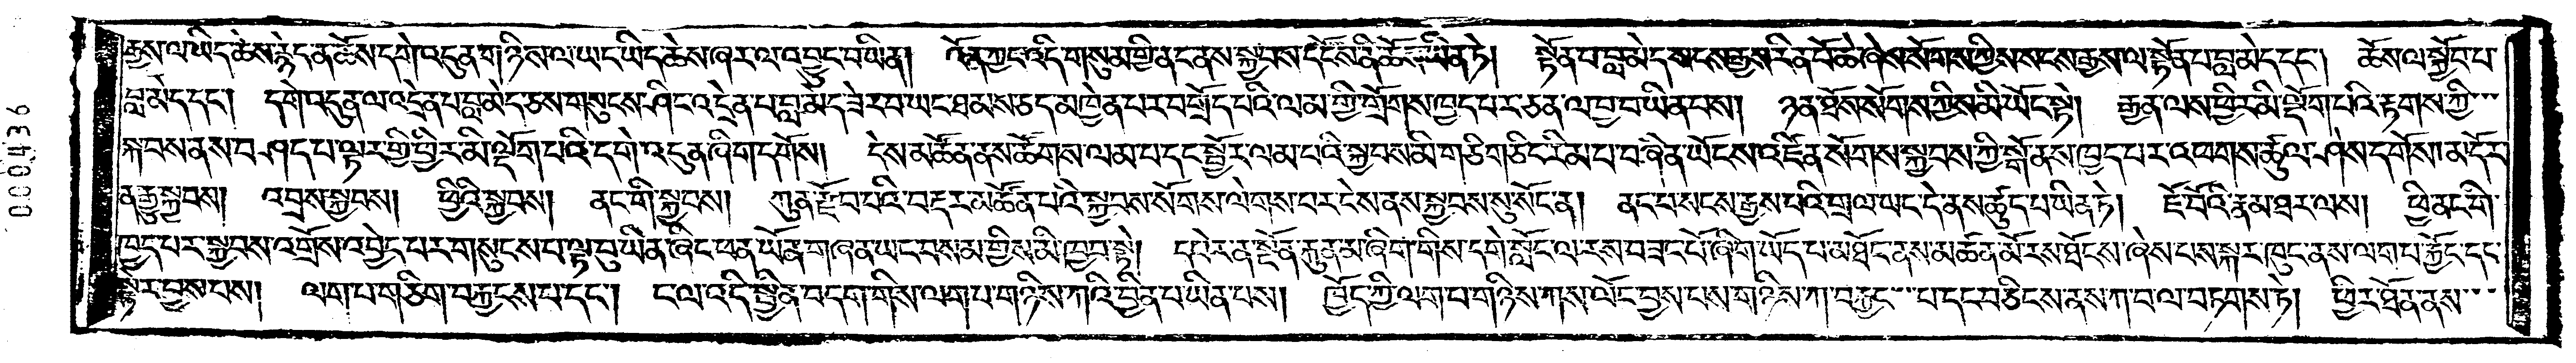རྒྱས་ལ་ཡིད་ཚེས་རྙེད་ན་ཆོས་དགེ་འདུན་གཉིས་ལ་ཡང་ཡིད་ཆེས་ཞར་ལ་འབྱུང་བ་ཡིན། འོན་ཀྱང་འདི་གསུམ་གྱི་ནང་ནས་སྐྱབས་དངོས་ནི་ཆོས་ཡིན་ཏེ། སྟོན་པ་བླ་མེད་སངས་རྒྱས་རིན་པོ་ཆེ་ཞེས་སོགས་ཀྱིས་སངས་རྒྱས་ལ་སྟོན་པ་བླ་མེད་དང་། ཆོས་ལ་སྐྱོབ་པ་
བླ་མེད་དང་། དགེ་འདུན་ལ་འདྲེན་པ་བླ་མེད་ཅེས་གསུངས་ཤིང་འདྲེན་པ་བླ་མེད་ཟེར་བ་ཡང་ཐམས་ཅད་མཁྱེན་པར་བགྲོད་པའི་ལམ་གྱི་གྲོགས་ཁྱད་པར་ཅན་ལ་བྱ་བ་ཡིན་པས། ཉན་ཐོས་སོགས་ཀྱིས་མི་ཡོང་སྟེ། རྒྱན་ལས་ཕྱིར་མི་ལྡོག་པའི་རྟགས་ཀྱི་
སྐབས་ནས་བཤད་པ་ལྟར་གྱི་ཕྱིར་མི་ལྡོག་པའི་དགེ་འདུན་ཞིག་དགོས། དེས་མཚོན་ནས་ཚོགས་ལམ་པ་དང་སྦྱོར་ལམ་པའི་སྐྱབས་མི་གཅིག་ཅིང་རིམ་པ་བཞིན་ཡོངས་འཛིན་སོགས་སྐྱབས་ཀྱི་སྒོ་ནས་ཁྱད་པར་འཕགས་ཚུལ་ཤེས་དགོས། མདོར་
ན་རྒྱུ་སྐྱབས། འབྲས་སྐྱབས། ཕྱིའི་སྐྱབས། ནང་གི་སྐྱབས། ཀུན་རྫོབ་པའི་བརྡར་མཚོན་པའི་སྐྱབས་སོགས་ལེགས་པར་ངེས་ནས་སྐྱབས་སུ་སོང་ན། ནང་པ་སངས་རྒྱས་པའི་གྲལ་ཡང་དེ་ནས་ཚུད་པ་ཡིན་ཏེ། ཇོ་བོའི་རྣམ་ཐར་ལས། ཕྱི་ནང་གི་
ཁྱད་པར་སྐྱབས་འགྲོས་འབྱེད་པར་གསུངས་པ་ལྟ་བུ་ཡིན་ཞིང་ཕན་ཡོན་གཞན་ཡང་བསམ་གྱིས་མི་ཁྱབ་སྟེ། དཔེར་ན་སྔོན་རྐུན་མ་ཞིག་གིས་དགེ་སློང་ལ་རས་བཟང་པོ་ཞིག་ཡོད་པ་མཐོང་ནས་མཚན་མོ་རས་ཐོངས་ཞེས་པས་སྐར་ཁུར་ནས་ལག་པ་རྐྱོང་དང་
སྟེར་བྱས་པས། ལག་པ་གཅིག་བརྐྱངས་པ་དང་། ང་ལ་འདི་སྦྱིན་བདག་གིས་ལག་པ་གཉིས་ཀའི་བྱིན་པ་ཡིན་པས། ཁྱོད་ཀྱི་ལག་པ་གཉིས་ཀས་ལོང་བྱས་པས་གཉིས་ཀ་བརྐྱང་པ་དང་བཅིངས་ནས་ཀ་པ་ལ་བཏགས་ཏེ། ཕྱིར་ཐོན་ནས་